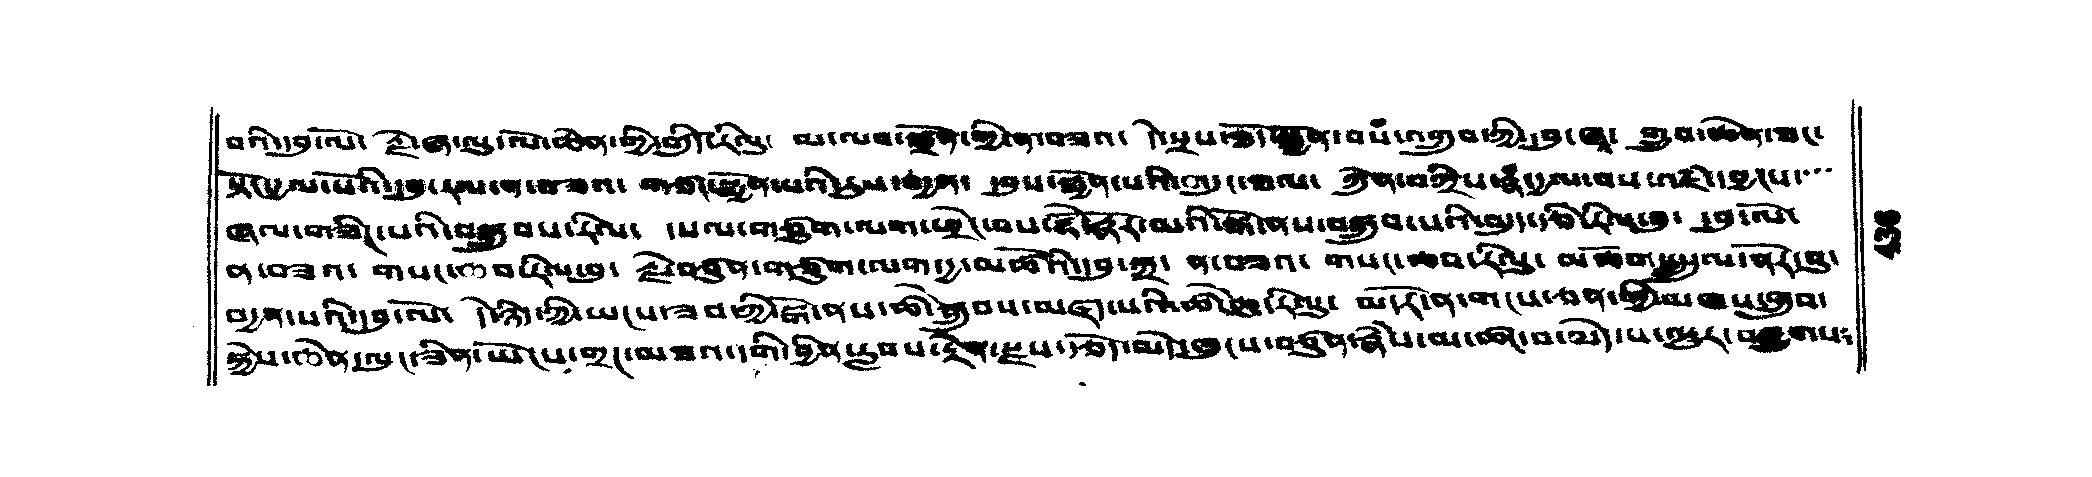བའི་དབུ་ལོ། རྗེ་ཞ་ལུ་ལོ་ཆེན་གྱི་བདུད་རྩི་རིལ་བུ། མ་ལབ་སྒྲོན་གྱི་ན་བཟའ། དེ་སྲས་ཐོད་སྨྱོན་བསམ་འགྲུབ་ཀྱི་དབུ་ཞྭ། གྲུབ་ཆེན་ཐང་
སྟོང་རྒྱལ་པོའི་དབུ་རལ། ན་བཟའ། གཙང་སྨྱོན་པའི་རུས་རྒྱན། དབུས་སྨྱོན་པའི་གདུང་ཐལ། ཀུན་མཁྱེན་བཀྲ་ཤིས་རྣམ་རྒྱལ་བས་འཇམ་དབྱངས་
ཞལ་གཟིགས་པའི་སྒྲུབ་རིལ། དཔལ་གཙུག་ལག་ཕྲེང་བས་རྡོ་རྗེ་རྣལ་འབྱོར་མའི་སྒོ་ནས་བསྒྲུབས་པའི་བདུད་རྩི་རིལ་བུ། དབུ་ལོ། 
ན་བཟའ། གསང་ཆབ་རིལ་བུ། རྗེ་བཙུན་གཙུག་ཁག་ཕྲེང་ཕས་རྡོ་རྣོར་མའི་སྒོ་ནས་བསྒྲུབ་པའི་མུད་རྩི་རིལ་བུ་མཆོག་སྤྲུལ་ནོར་བུ་
བརྒྱན་པའི་དབུ་ལོ། དེ་ཉིད་ཀྱི་ཡང་ཟབ་ཀྱི་སྒོ་ནས་ཚེ་སྒྲུབ་མཛད་པའི་ཚེ་ཆུ་རིལ་བུ། མདོར་ན་གངས་ཅན་གྱི་མཁས་གྲུབ་
སྐྱེས་ཆེན་ལུང་ཟིན་ཡོངས་གྲགས་མཐའ་དག་གི་བྱིན་རླབས་རྟེན་རྫས་རྩོད་མེད་ཁུངས་བཙུན་རྣམས་མ་ཚང་བ་མེད་པ་ལྟ་བུར་བཞུགས་